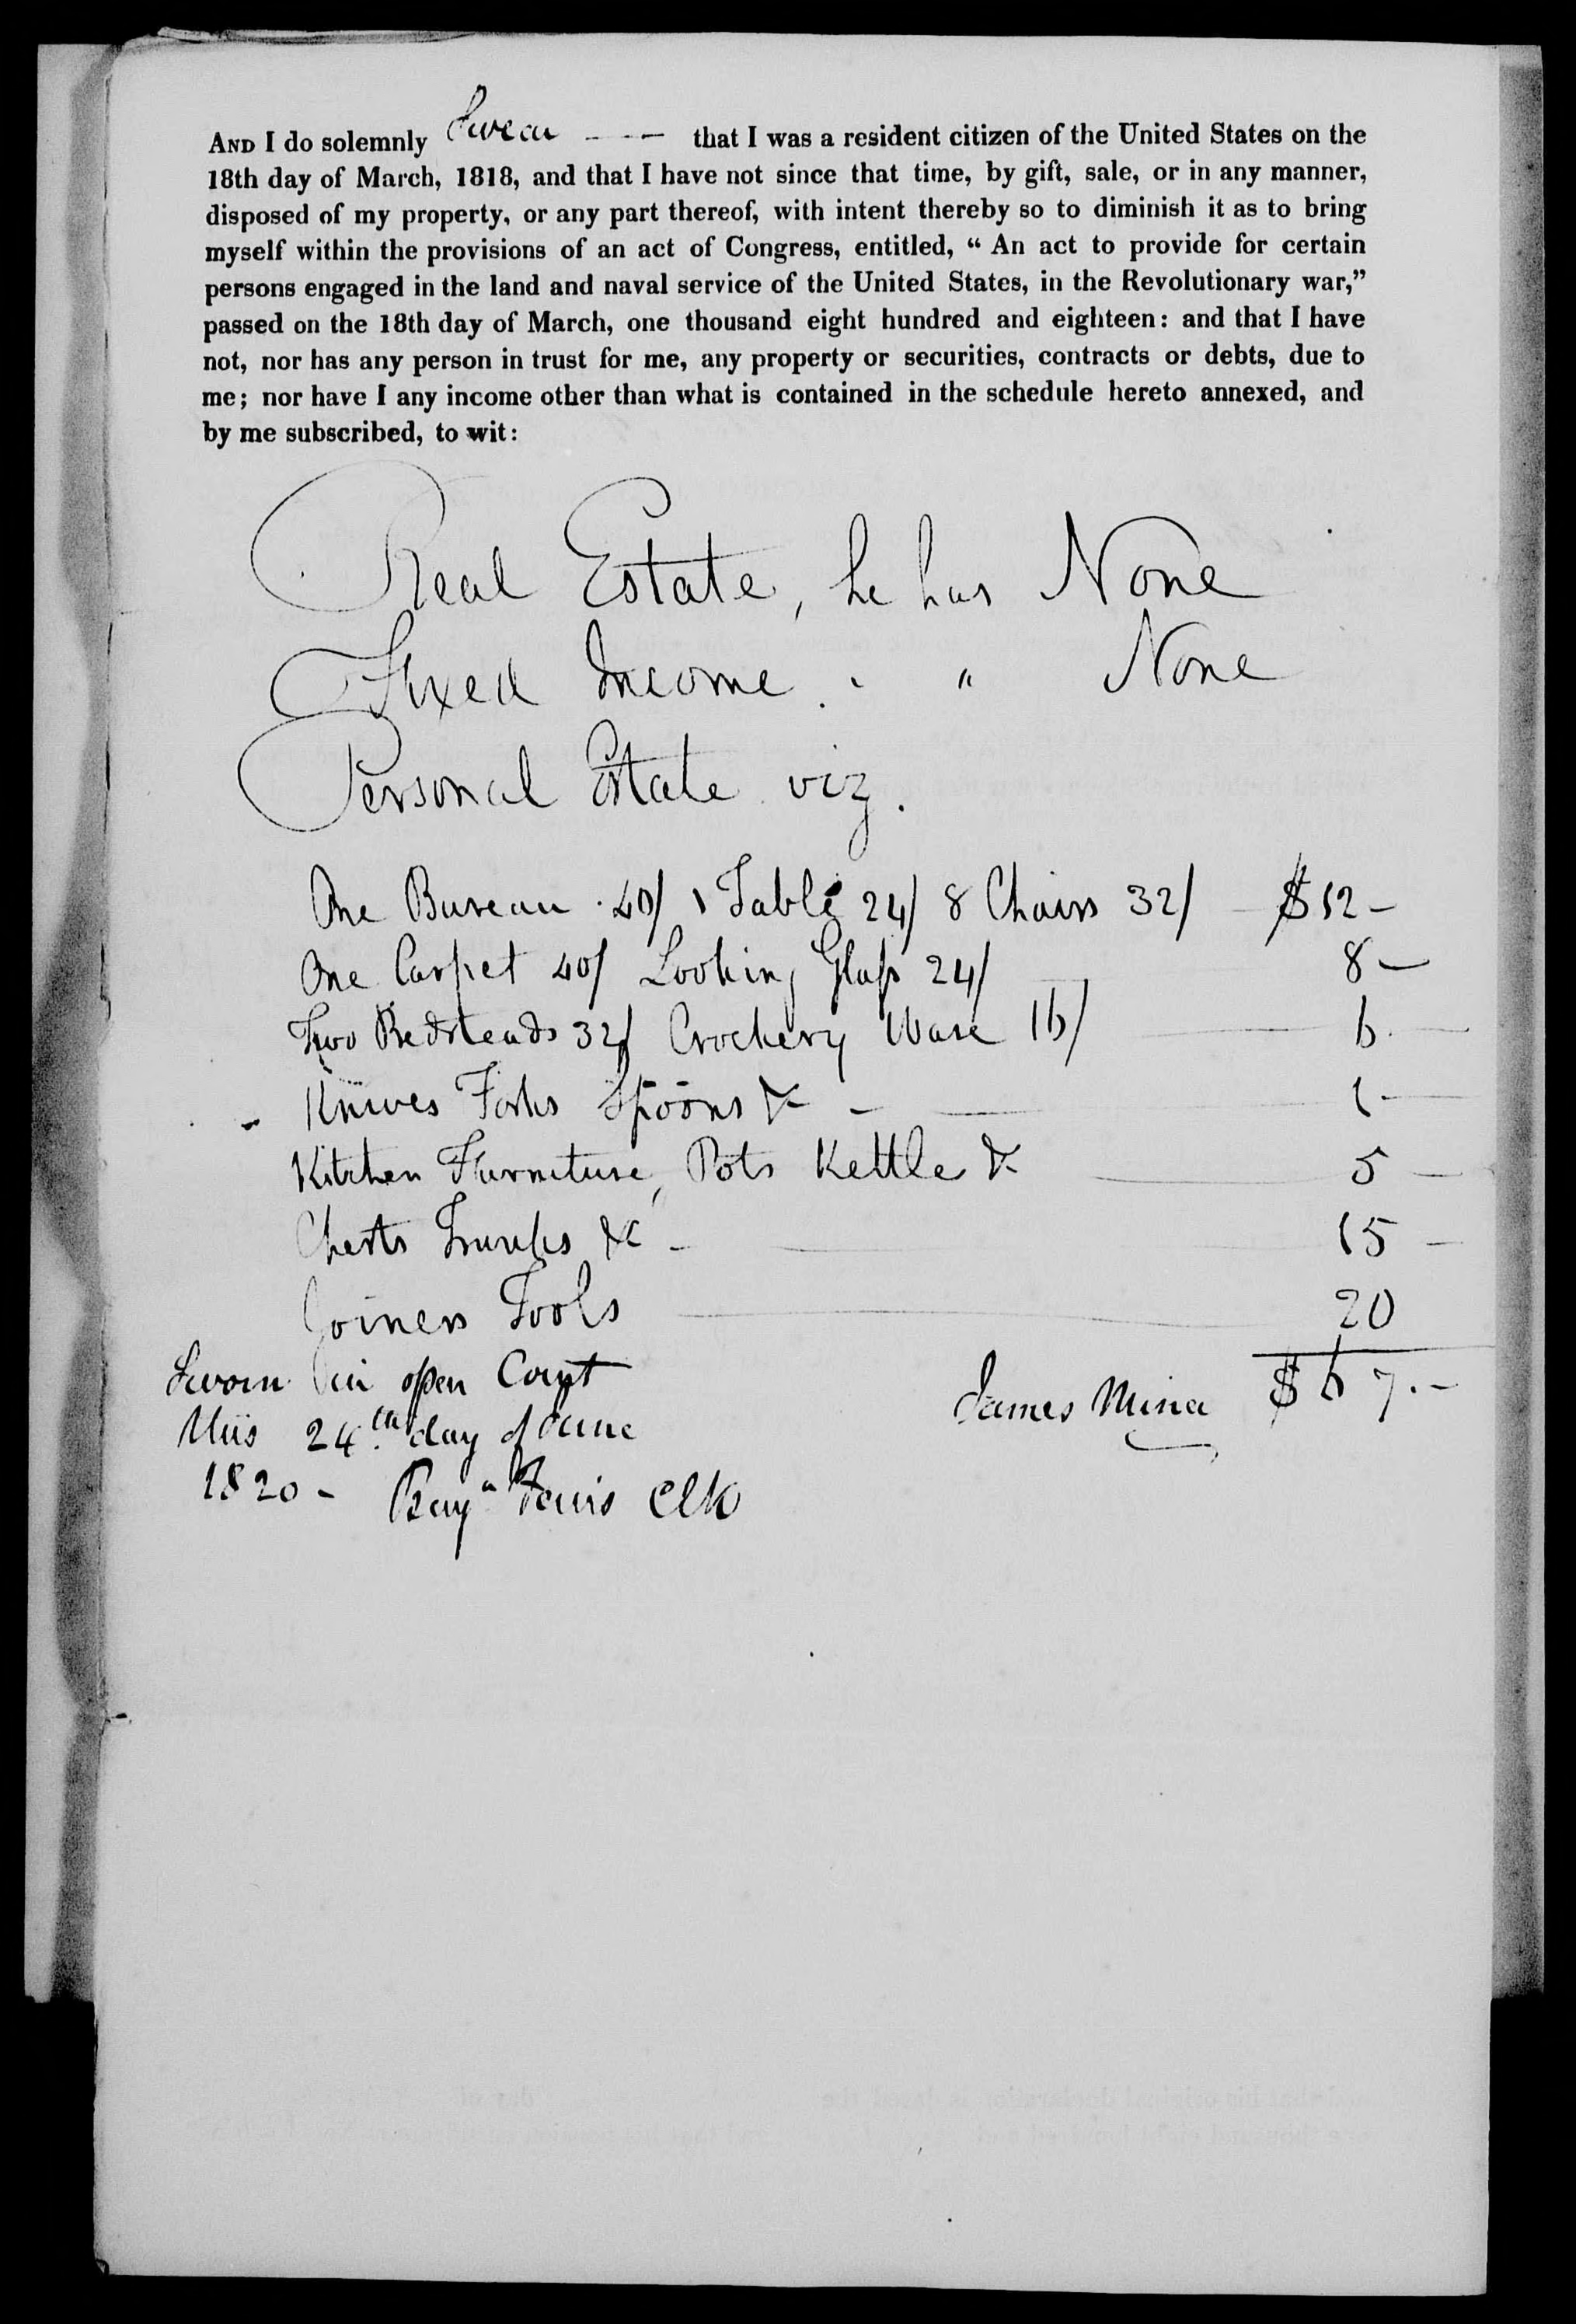AND I do solemnly [handwritten Swear] that I was a resident citizen of the United States on the 18th day of March, 1818, and that I have not since that time, by gift, sale, or in any manner, disposed of my property, or any part thereof, with intent thereby so to diminish it as to bring myself within the provisions of an act of Congress, entitled, ""An act to provide for certain persons engaged in the land and naval service of the United States, in the Revolutionary war," passed on the 18th day of March, one thousand eight hundred and eighteen: and that I have not, nor has any person in trust for me, any property or securities, contracts or debts, due to me; nor have I any income other than what is contained in the schedule hereto annexed, and by me subscribed, to wit: 

[inventory and remainder of page all handwritten] 

Real Estate, he has None 
Fixed Income, " " None 
Personal Estate viz. 
One Bureau 40/ 1 Table 24/ 8 Chairs 32/ $12- 
One Carpet 40/ Looking Glass 24/ 8- 
Two Bedsteads 32/ Crockery Ware 16  6- 
Knives Forks Spoons etc 1- 
Kitchen Furniture, Pots Kettle etc 5- 
Chests Trunks etc 15-
Joiner Tools 20 
James Miner $67.- 


Sworn in open Court 
this 24th day of June 
1820.  Benj Ferris Clk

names: Benja Ferris; James Miner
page: 6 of 39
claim: survivor's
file: S. 23802, for James Miner, Connecticut